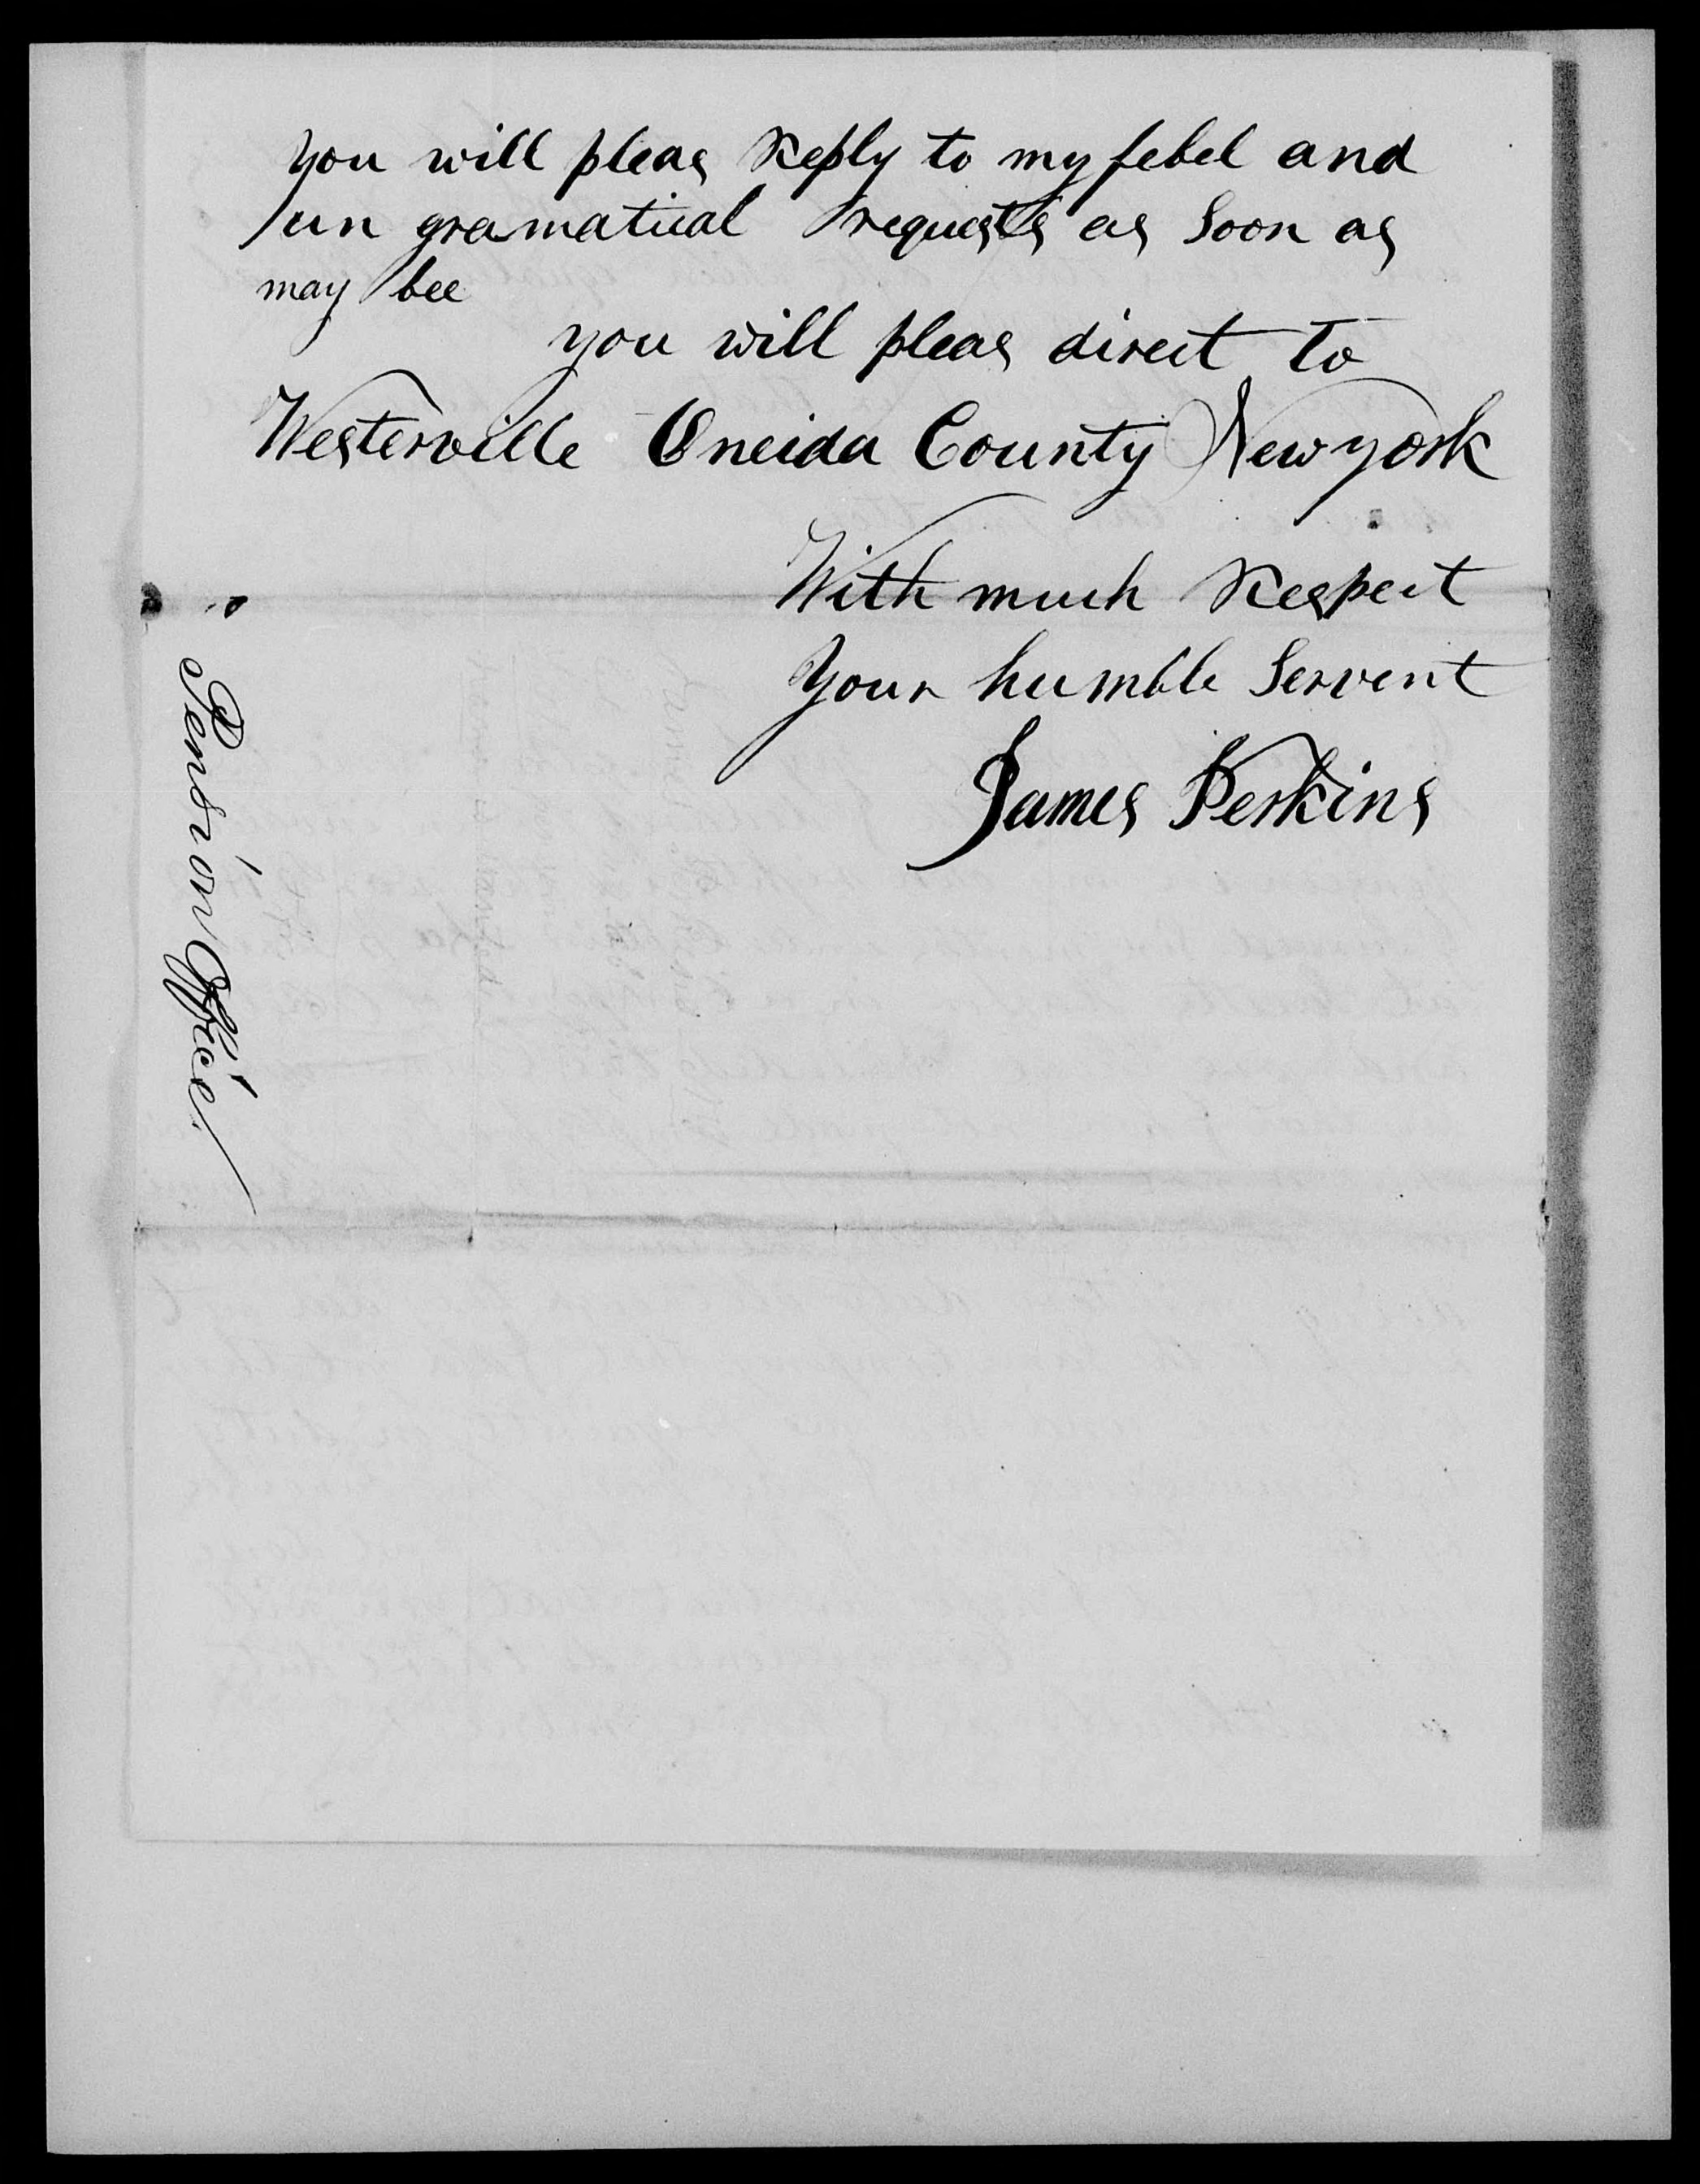you will pleas reply to my febel and un gramatical requests as soon as may bee 
you will pleas direct to Westerville Oneida County New York 
With much respect 
Your humble Servent 
[signed] James Perkins

Pension Office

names: James Perkins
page: 32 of 44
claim: rejected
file: R. 17,033, for Joseph Perkins, New York